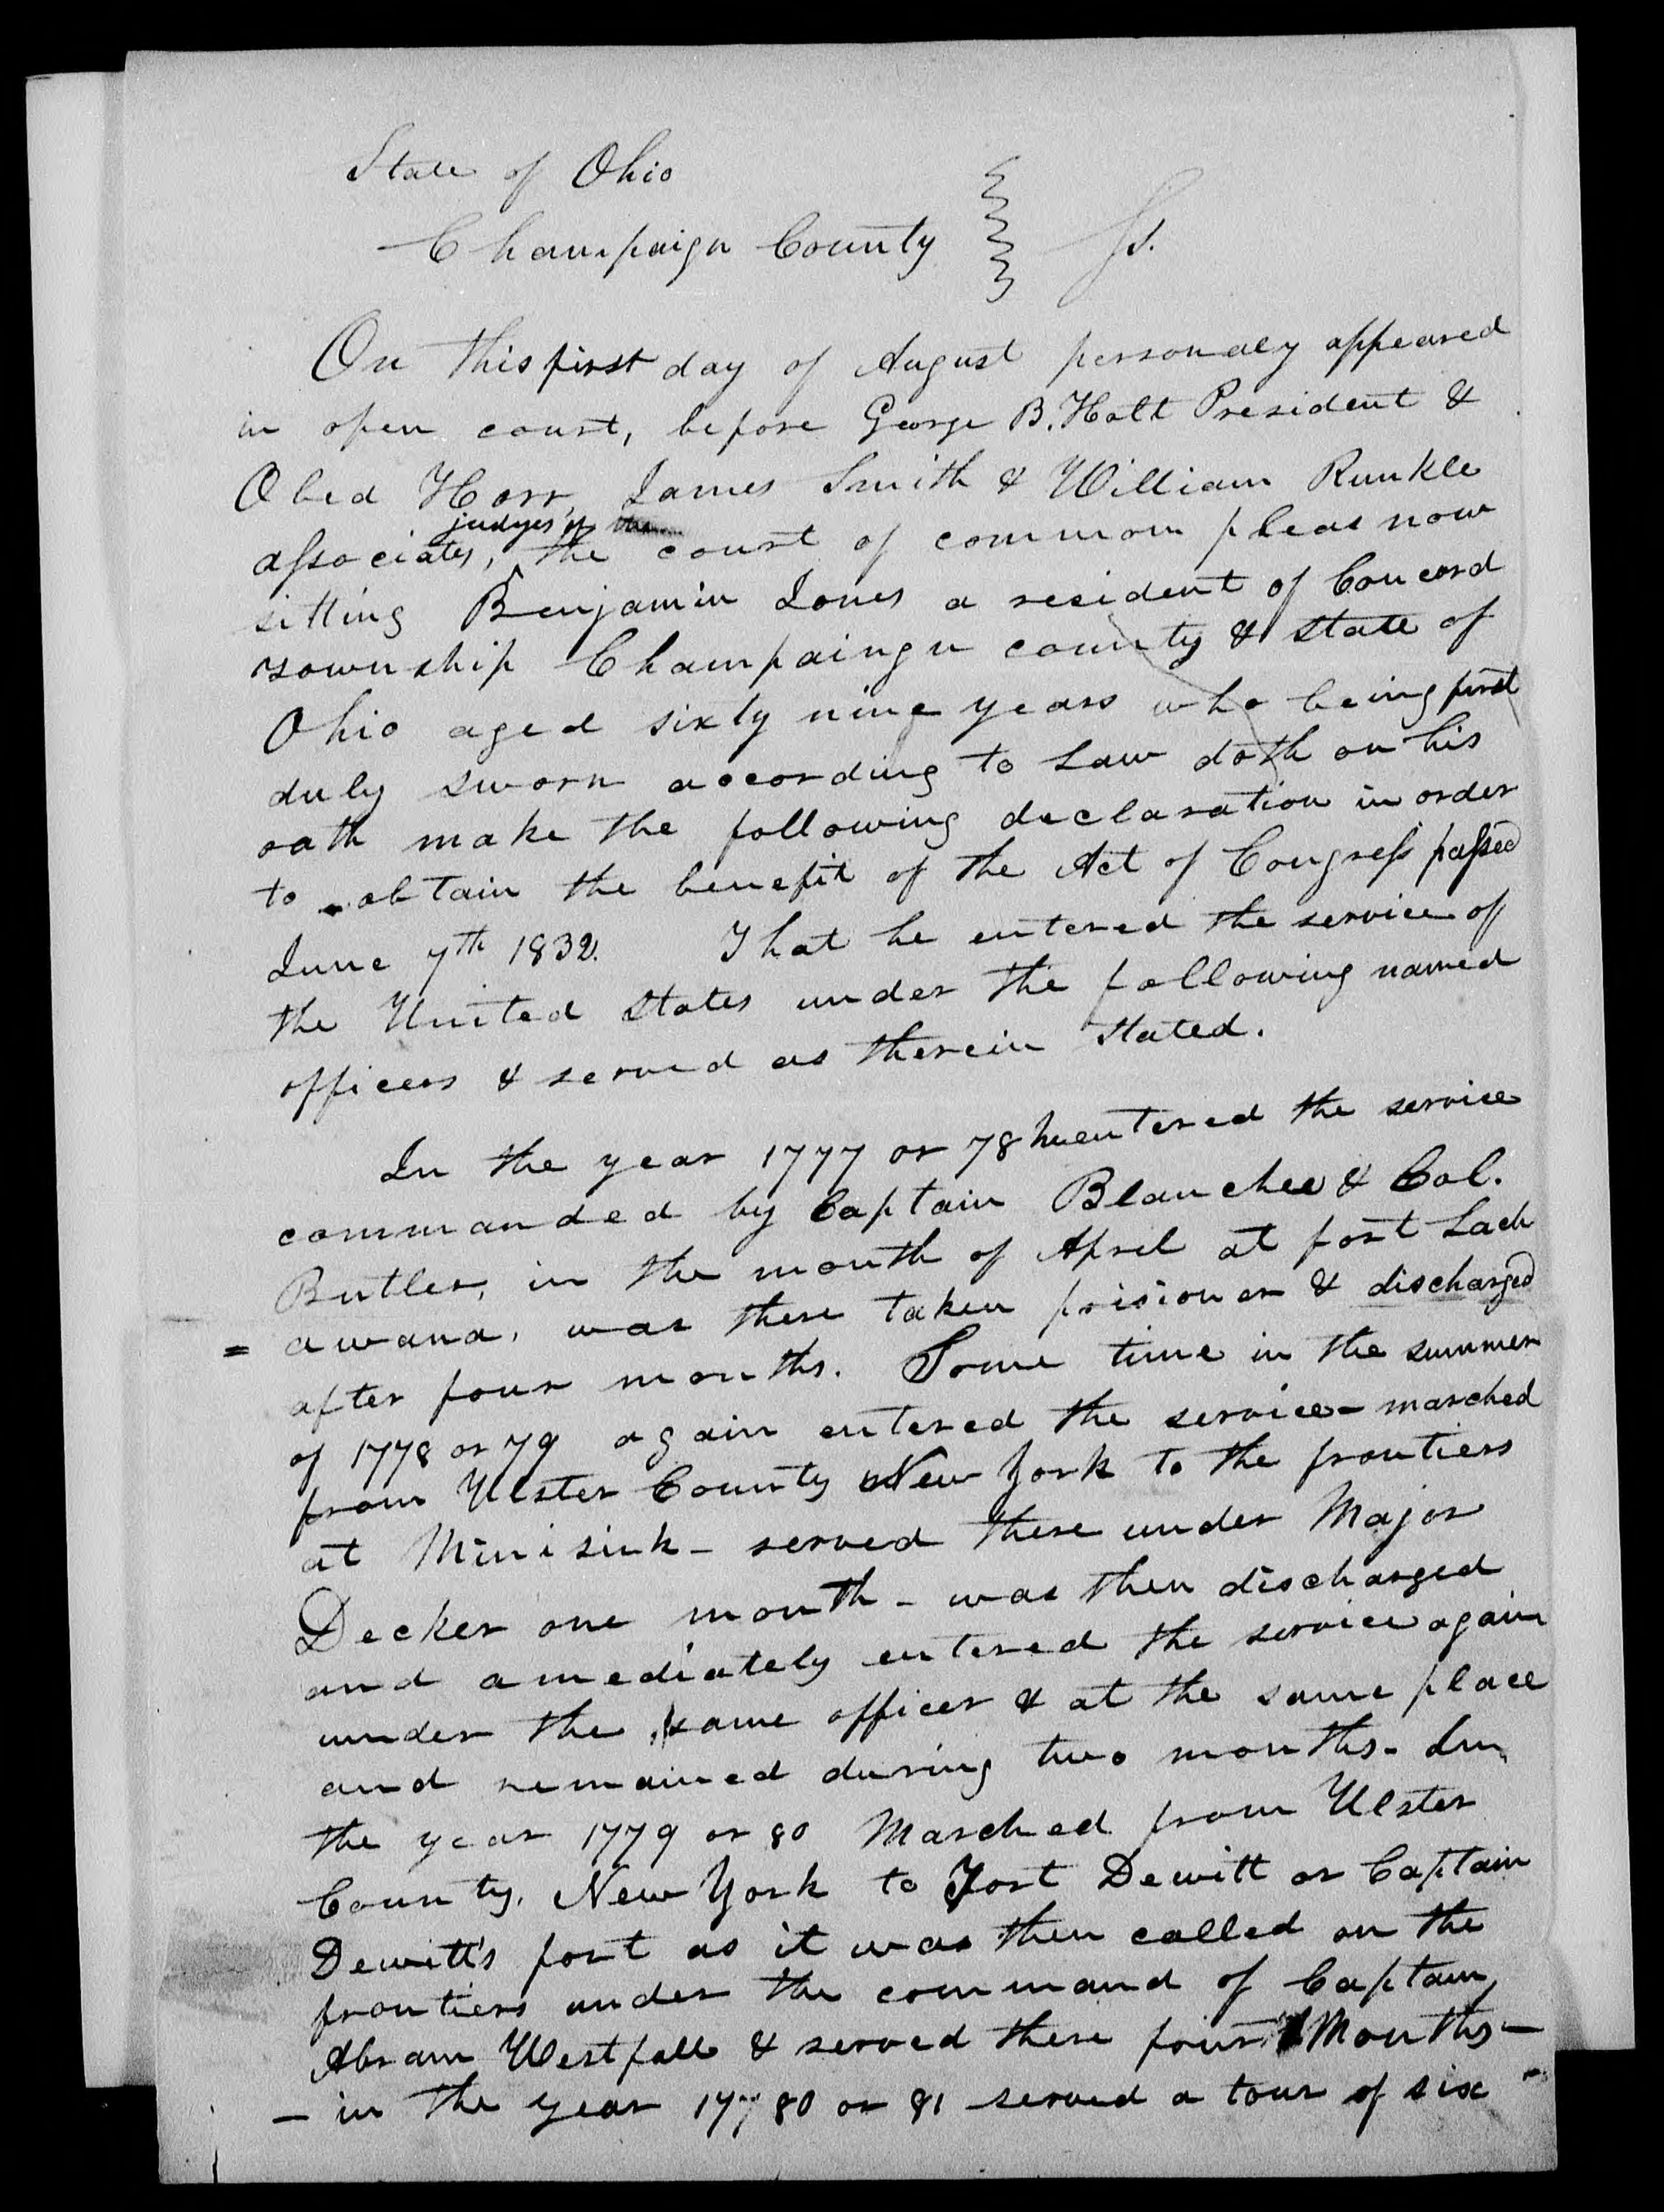State of Ohio
Champaign County } ss:

On this first day of August personally appeared
in open court, before George B. Holt, President,  & Obed Harr, James Smith & William Runkle associates, judges of the court of common pleas now sitting, Benjamin Jones, a resident of Concord Township, Champaign County & State of Ohio aged sixty nine years who being first duly sworn according to law doth on his oath make the following declaration in order to obtain the benefit of the Act of Congress passed June 7th 1832.
That he entered the service of the United States under the following named officers & served as therein stated.
In the year 1777 or 78 entered the service
commanded by Captain Blanchet & Col.
Butler, in the month of April at Fort Lackawanna, was there taken prisoner & discharged after four months. Some time in the summer of 1778 or 79 again entered the service - marched from Ulster County, New York to the frontiers at Minisink - served there under Major Decker one month - was then discharged and immediately entered the service again under the same officer & at the same place and remained during two months.
In the year 1779 or 80 marched from Ulster
County, New York to Fort Dewitt or Captain
Dewitt's fort as it was then called, on the
frontiers under the command of Captain
Abram Westfall & served there four months.  In
the year 1780 or 81 served a tour of six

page: 4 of 10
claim: survivor's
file: S. 2295, for Benjamin Jones, New York